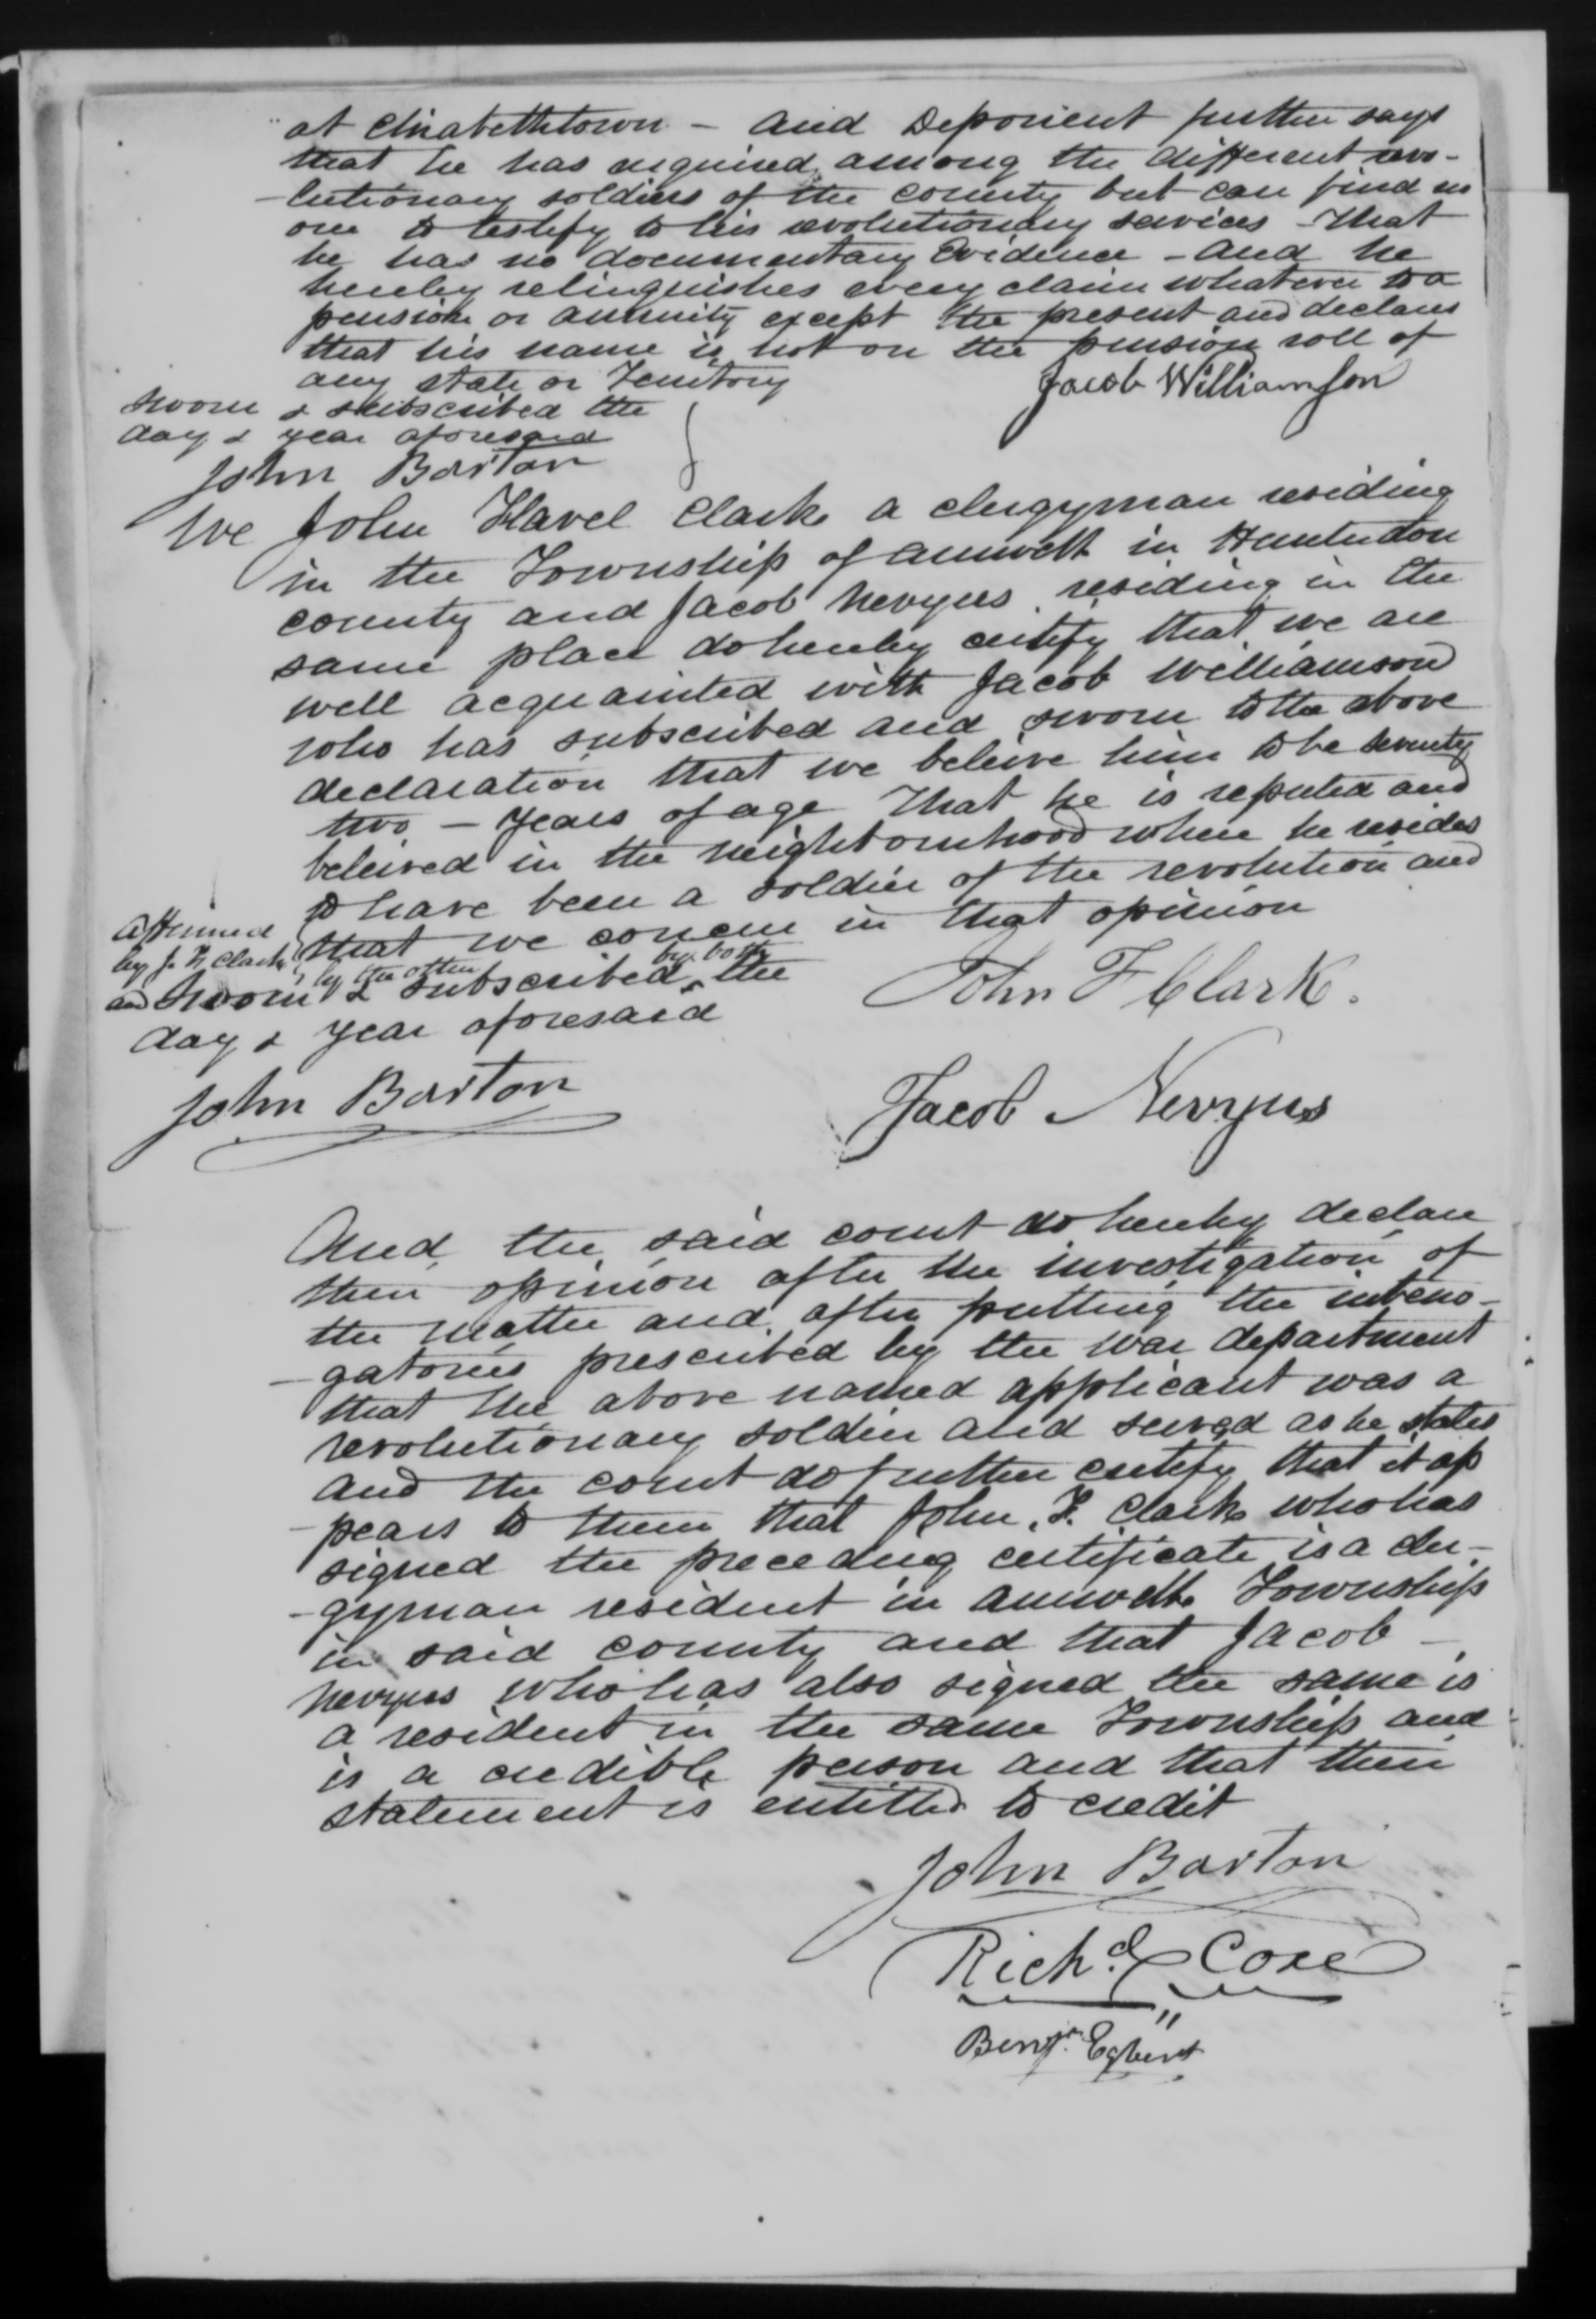at Elizabethtown - andDeponent further says
that he has acquired among the different revo-
-lutionary soldiers of the county but can find no
one to testify to his revolutionary services - That
he has no documentary Evidence - and he
hereby relinquishes every claim whatever to 
pension or annuity except the present and declares
that his name is not on the pension roll of
ay state or territory
			Jacob Williamson
Sworn & subscribed the	
day & year aforesaid
John Barton

We John Flavel[?] Clark a clergyman residing
in the Township of Amwell in Hunterdon
county and Jacob Nevyus residing in the
same place do hereby certify that we are
well acquainted with Jacob Williamson
who has subscribed and sworn to the above
declaration that we believe him to be seventy
two - years of age  That he is reputed and 
beleived in the neighbourhood where he resides
to have been a soldier in the revolution and
that we concur in that opinion
				John F. Clark
				Jacob Nevyus
Sworn & subscribed the
day & year aforesaid
John Barton

And the said court do hereby declare
their opinion after investigation of
the matter and after putting the intero-
gatories prescribed by the War department
that the above named applicant was a
revolutionary soldier and served as he states
and the court do further certify that it ap
-pears to them that John F. Clark who has
signed the preceding certificate is a cler-
-gyman resident in Amwell Township
in said county and that Jacob
Nevyus who has also signed the same is
a resident in the same Township and
is aa credible person and that their
statement is entitled to credit
			John Barton
			Richd Case
			Benj Egbert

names: John Barton, Benjn Egbert, Jacob Nevyers, Richd Coxe, John Flavel, John F Clark, Jacob Williamson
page: 16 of 67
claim: widow's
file: W. 2393, Jacob Williamson, New Jersey